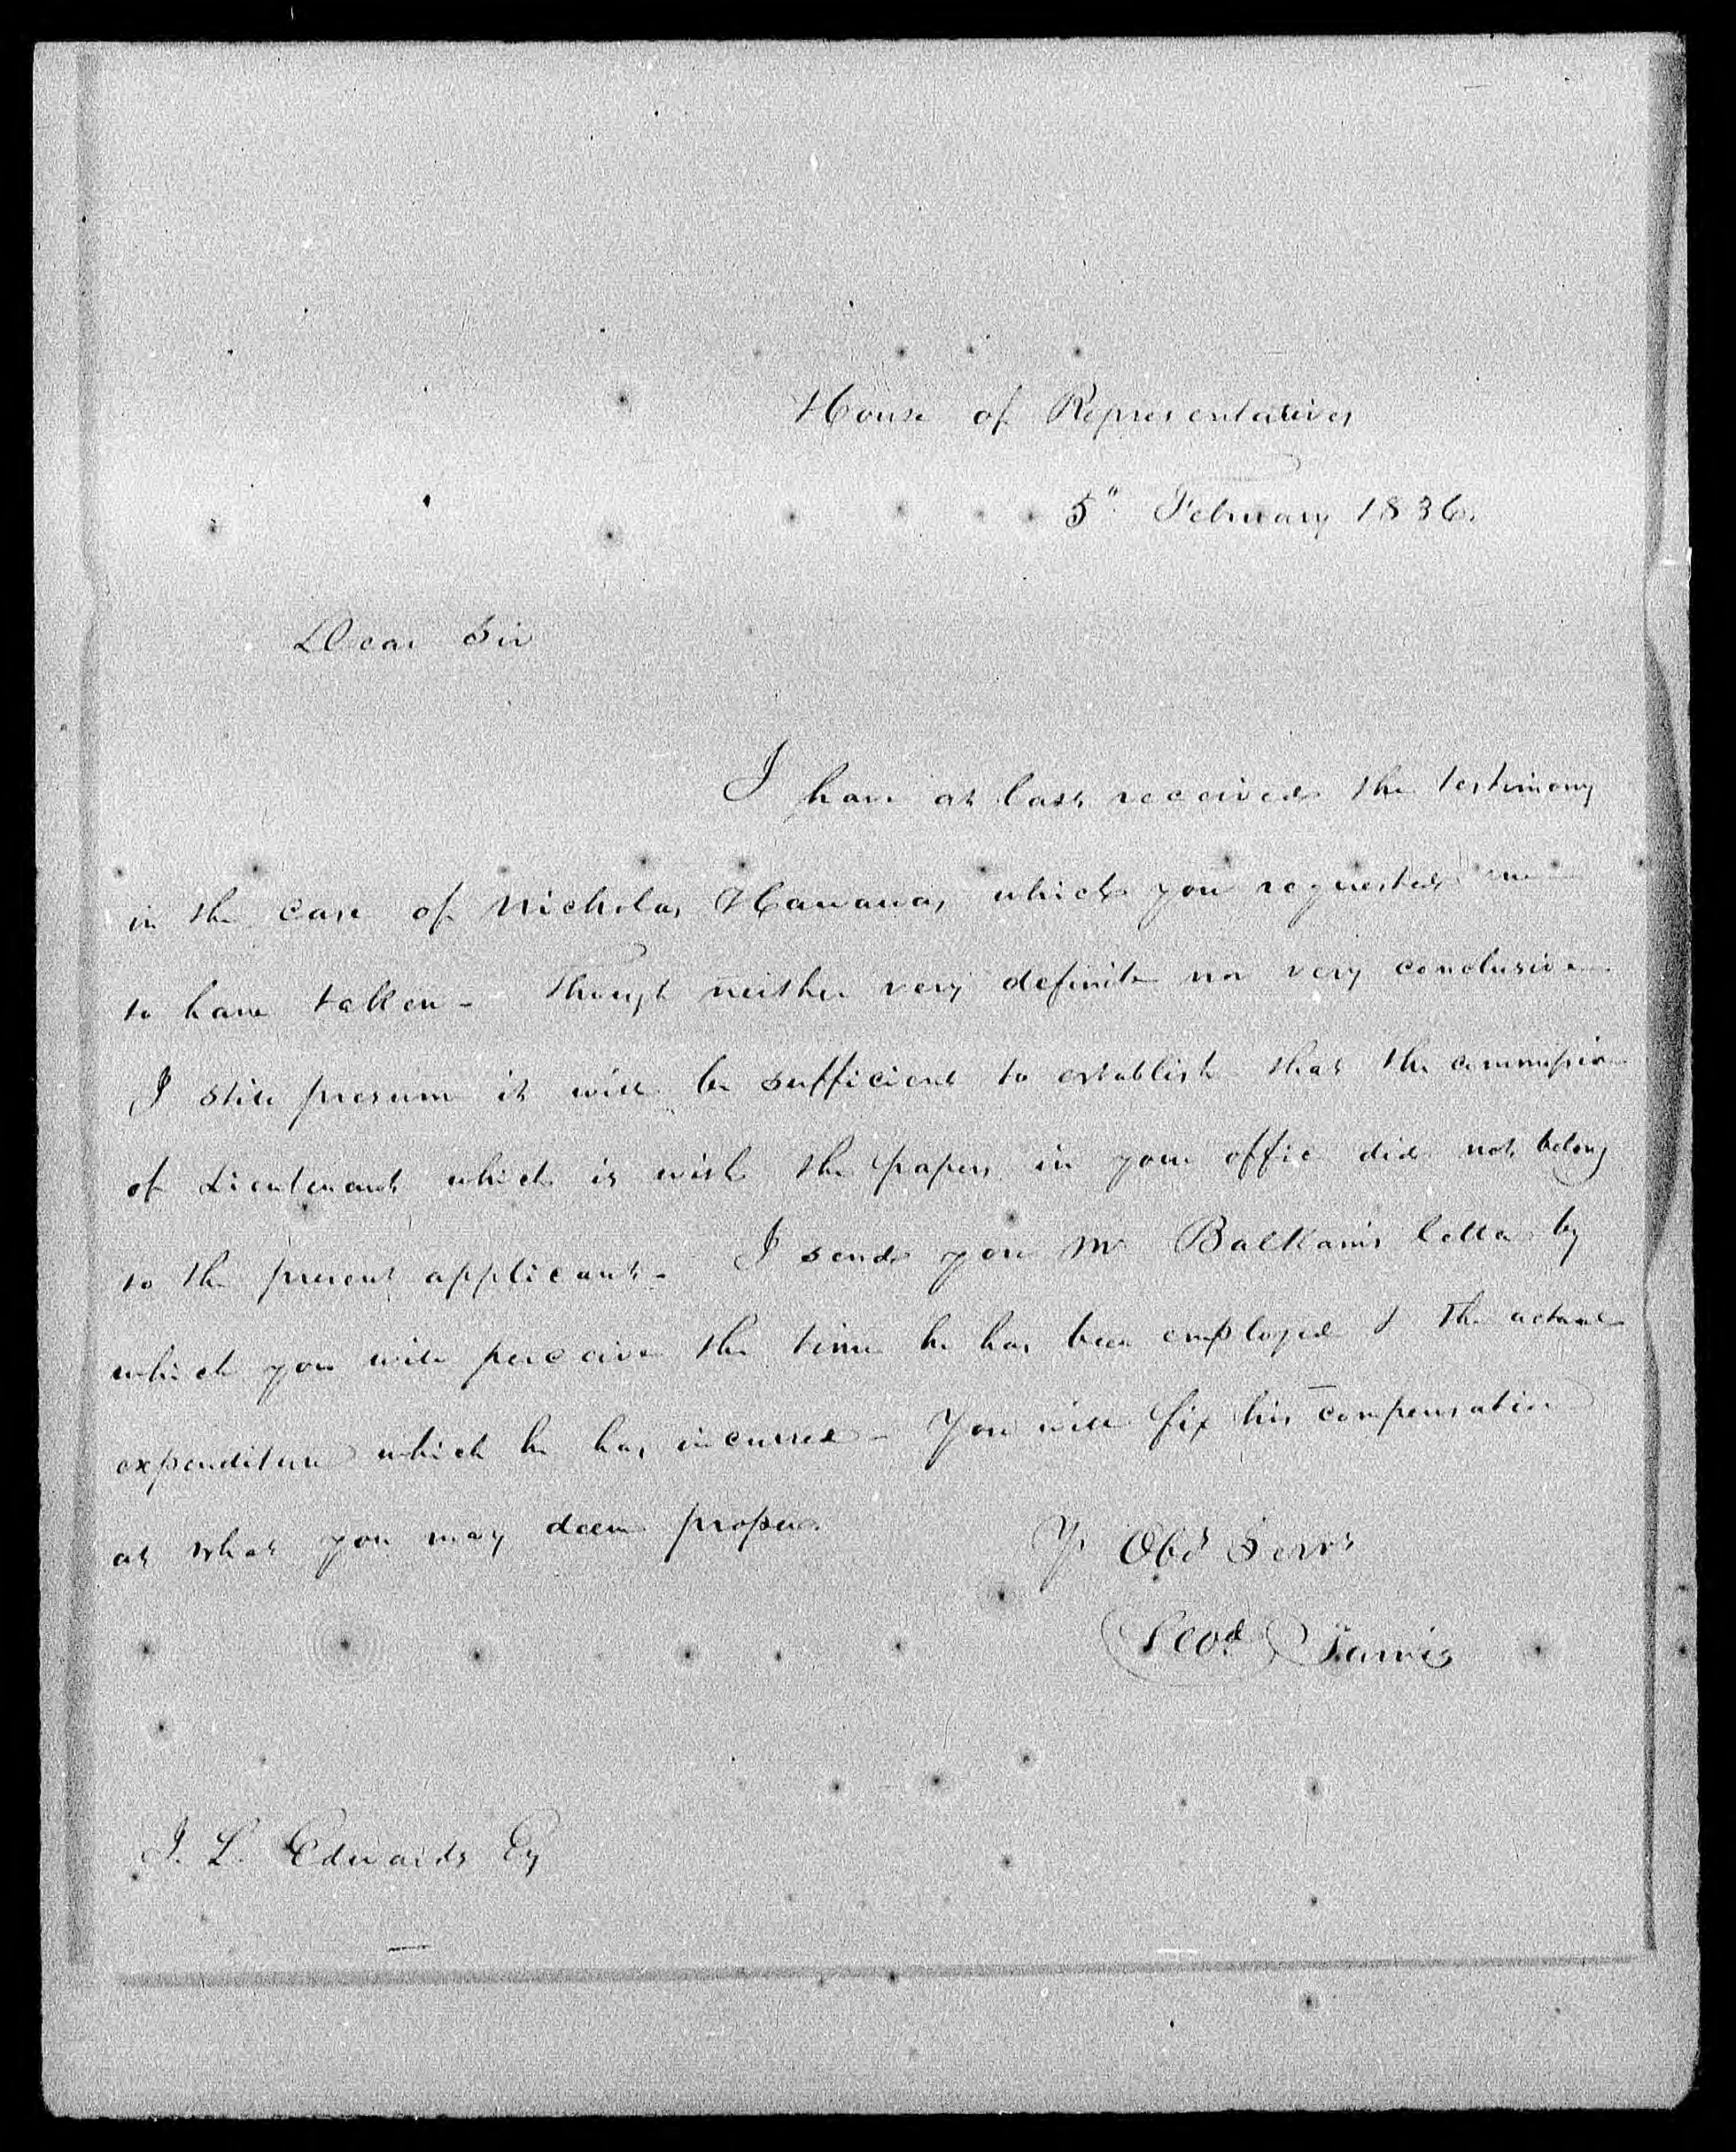House of Representatives
5th February 1836.

Dar Sir

I have at last received the testimony
in the case of Nicholas Hawawas which you requested me
to have taken - Though whether very definite nor a very conclusive
I still presume it will be sufficient to establish that the commission
of Lieutenant which is with the papers in your office did not belong
to the present applicant. I send you Mr. Balkam's letter by
which you will perceive the time he has been employed & the actual
expenditure which he has incured –– You will fix his compensation
at what you may deem proper.

Yr Obdh Servr
Leod Jarvis

J. L. Edwards Esq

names: Leod Jarvis, Balkam, Nicholas Hawawas, J L Edwards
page: 29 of 52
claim: survivor's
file: S 17997, Nicholas Hawwawas, Mass.